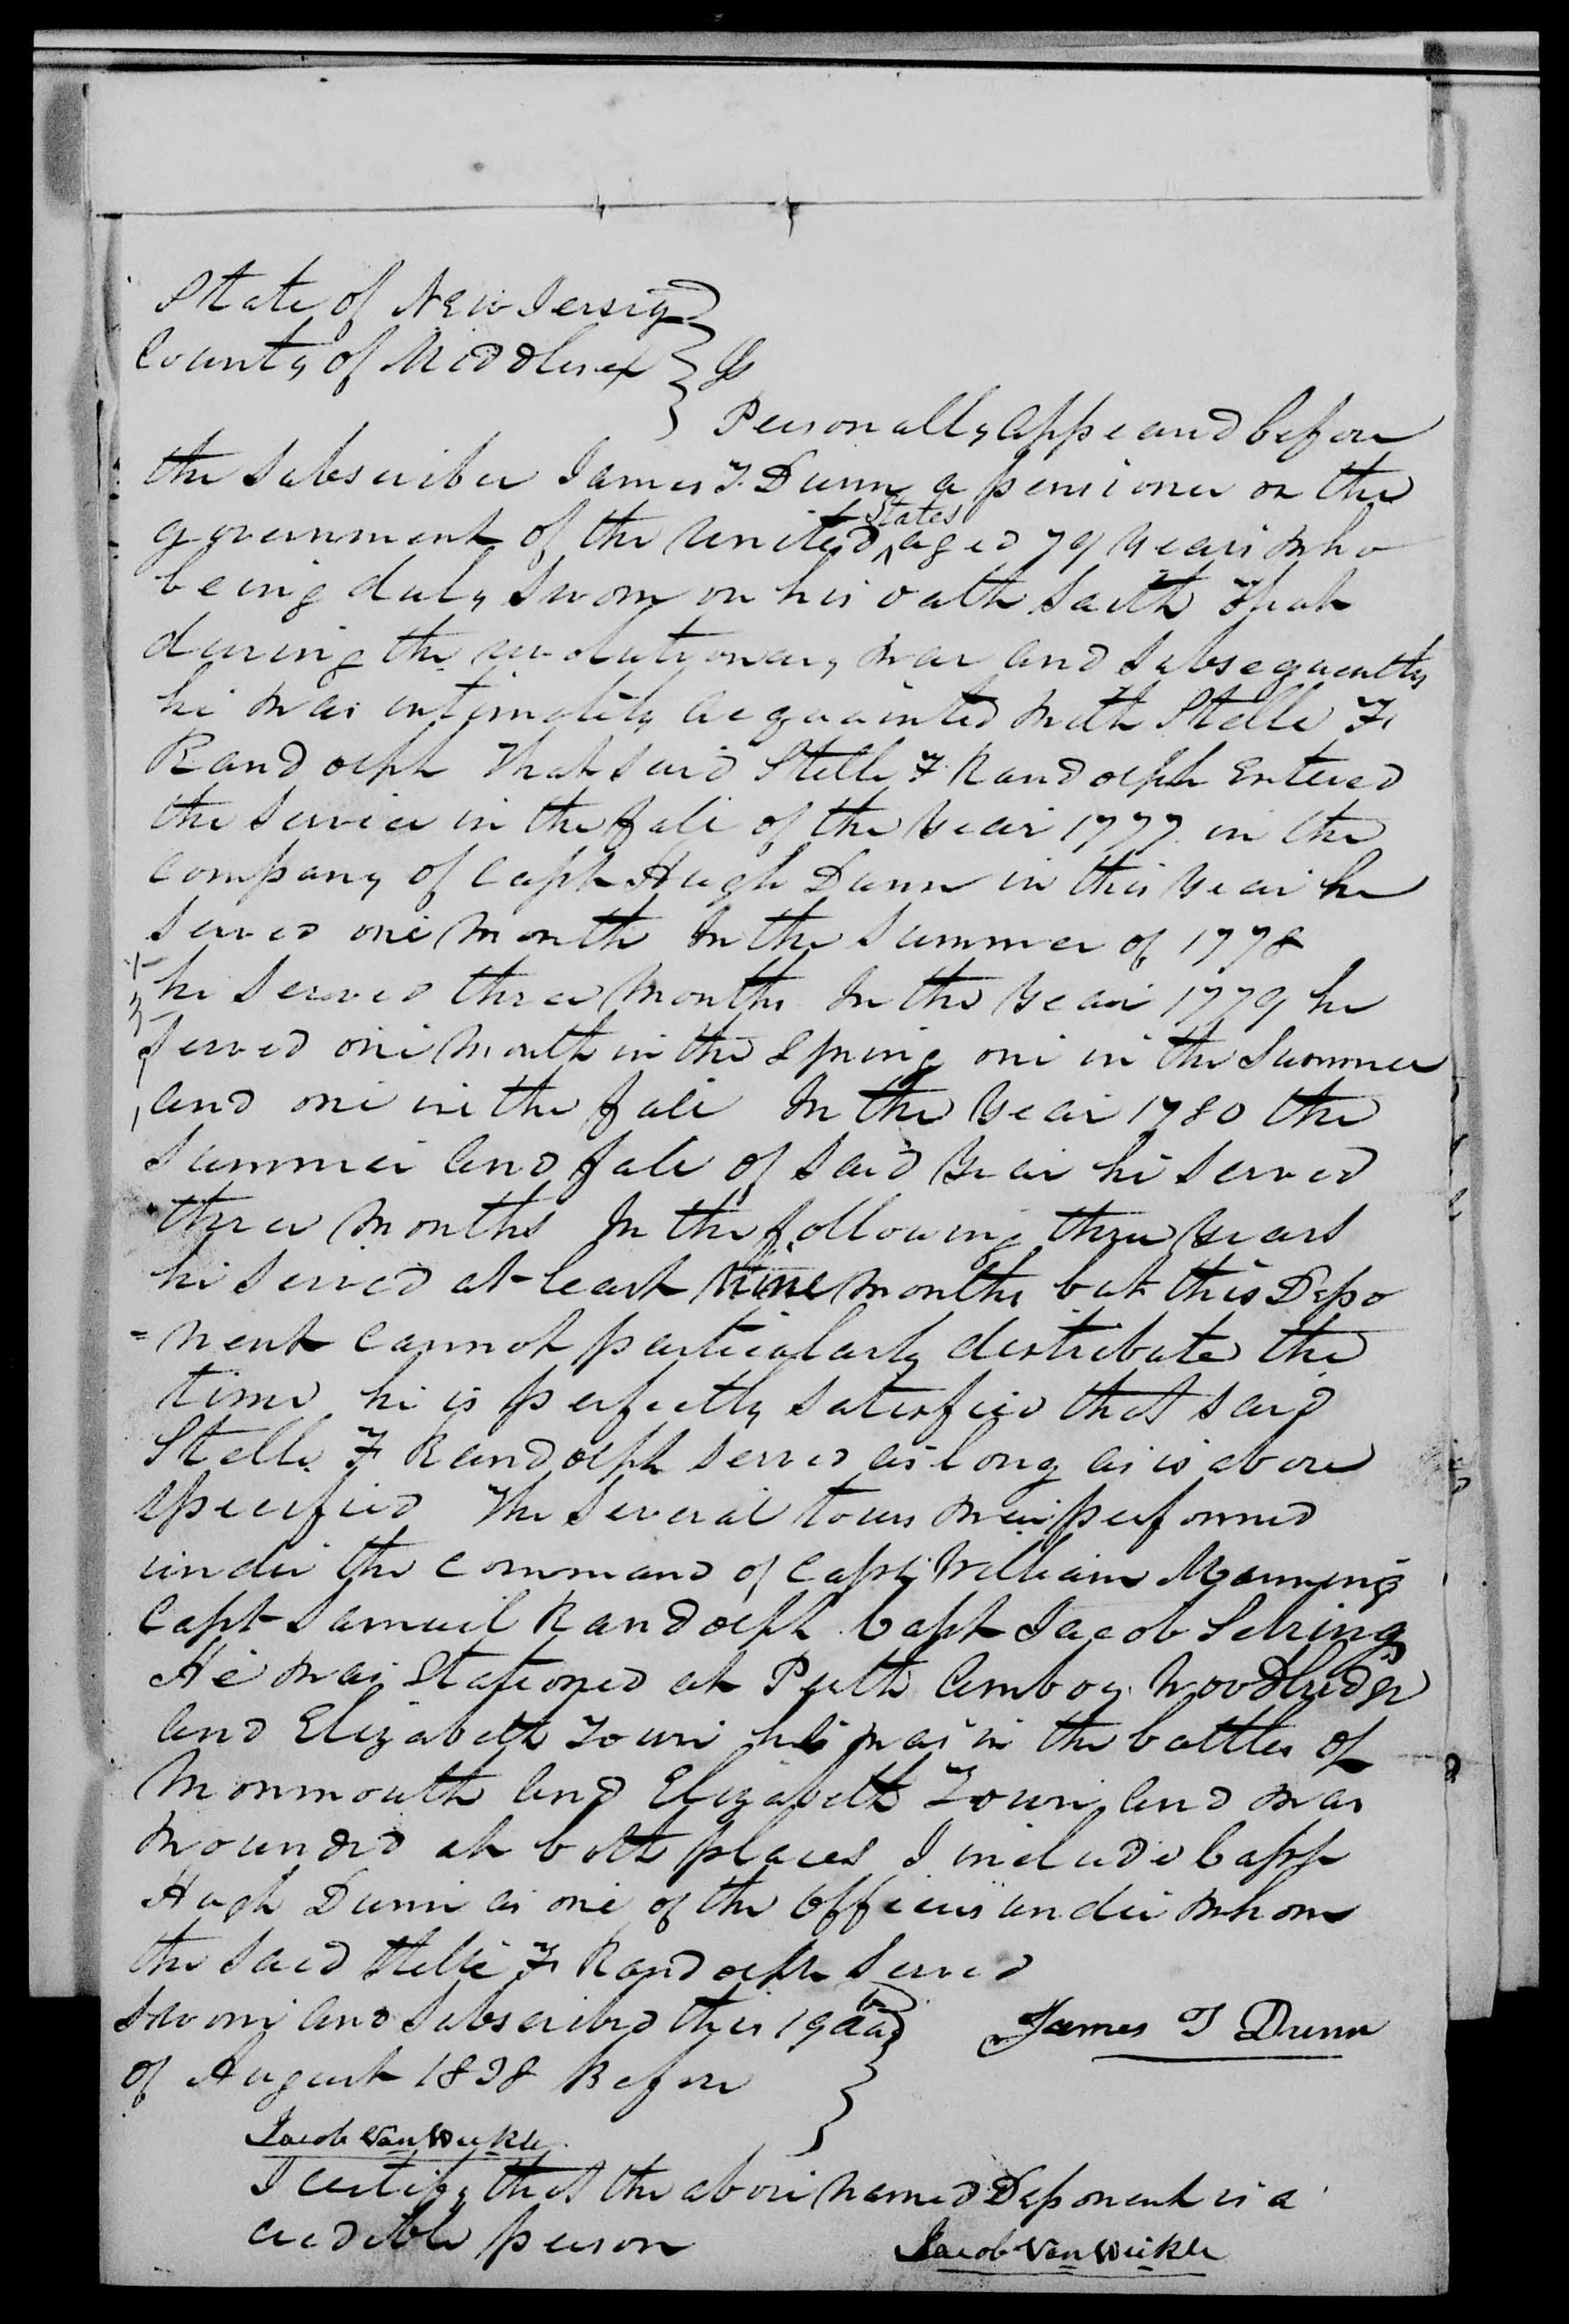State of New Jersey
County of Middlesex

Personally appeared before the subscriber James  T. Dunn a pensioner on the government of the United States aged 79 years who being duly sworn on his oath saith that during the revolutionary war and subsequently he was intimately acquainted with Stelle F. Randolph & that said Stelle F. Randolph entered the service in the fall of the year 1777 in the company of Captain Hugh Dunn in this year he served one month in the summer of 1778 & he served three months in the year 1779 he served one month in the spring, one in the summer and one in the fall.  In the year 1780 the summer and fall of said year he served three months in the following three years he served at least nine months, but this deponent cannot particularly distribute the times he is perfectly satisfied that said Stelle F. Randolph served as long as is sworn specified the several townsmen performed under the command of Capt. William Manning, Capt. Samuel Randolph, Capt. Jacob Sebring.  He was stationed at Perth Amboy, Woodbridge and Elizabethtown.  He was in the battles of Monmouth and Elizabethtown and was wounded at both places I include Capt Hugh Dunn as one of the officers under whom the said Stelle F. Randolph served.
Sworn and subscribed this 19th of August, 1828 Before 
Jacob Van Winkle

James J Dunn

I certify that the above named deponent is a credible person
Jacob Van Winkle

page: 11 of 33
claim: widow's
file: W. 5,665, for Stelle F Randolph, New Jersey